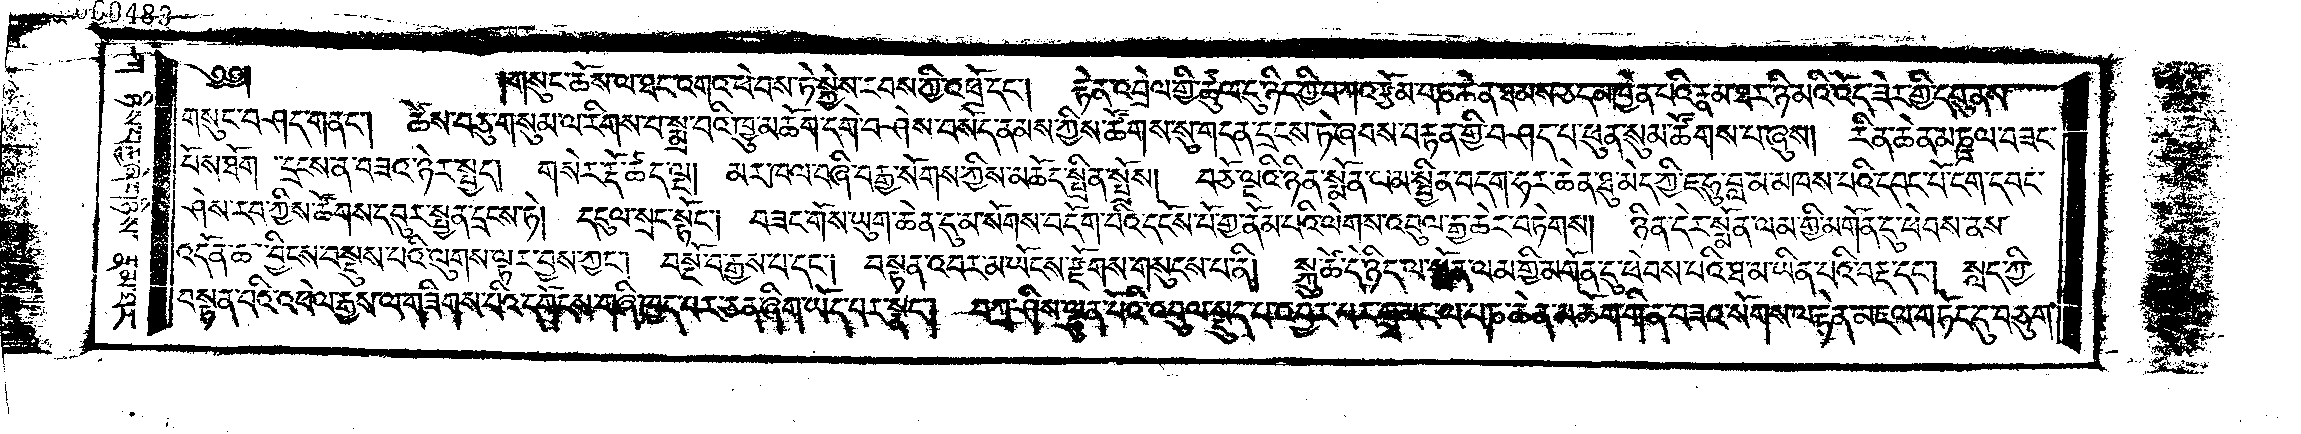༄༅། །གསུང་ཆོས་ལ་ཐང་འགའ་ཕེབས་ཏེ་སྐྱེས་རབས་ཀྱི་འཕྲོ་དང་། རྟེན་འབྲེལ་གྱི་ཚུལ་དུ་ཉིད་ཀྱི་བཀའ་རྩོམ་པཎ་ཆེན་ཐམས་ཅད་མཁྱེན་པའི་རྣམ་ཐར་ཉི་མའི་འོད་ཟེར་གྱི་དབུ་ནས་
གསུང་བཤད་གནང་། ཚེས་བཅུ་གསུམ་ལ་རིགས་པ་སྨྲ་བའི་ཁྱུ་མཆོག་དགེ་བཤེས་བསོད་ནམས་ཀྱིས་ཚོགས་སུ་གདན་དྲངས་ཏེ་ཞབས་བརྟན་གྱི་བཤད་པ་ཕུན་སུམ་ཚོགས་པ་ཞུས། རིན་ཆེན་མཎྜལ་བཟང་
པོས་ཐོག་དྲངས་ན་བཟའ་ཉེར་སྤྱད། གསེར་རྡོ་ཚད་ལྔ། མར་ཁལ་བཞི་བརྒྱ་སོགས་ཀྱིས་མཆོད་སྤྲིན་སྤྲོས། བཅོ་ལྔའི་ཉིན་སྨོན་ལམ་སྦྱིན་བདག་ཧར་ཆེན་ཐུ་མེད་ཀྱི་ཇ་ཧུ་བླ་མ་མཁས་པའི་དབང་པོ་ངག་དབང་
ཤེས་རབ་ཀྱིས་ཚོགས་དབུར་སྤྱན་དྲངས་ཏེ། དངུལ་སྲང་སྟོང་། བཟང་གོས་ཡུག་ཆེན་དུ་མ་སོགས་བདོག་པའི་དངོས་པོ་གྱ་ནོམ་པའི་ལེགས་འབུལ་རྒྱ་ཆེར་བཏེགས། ཉིན་དེར་སྨོན་ལམ་གྱི་མགོན་དུ་ཕེབས་ནས་
འདོན་ཆ་བྱིངས་བསྡུས་པའི་ལུགས་ལྟར་བྱས་ཀྱང་། བསྔོ་བ་རྒྱས་པ་དང་། བསྟན་འབར་མ་ཡོངས་རྫོགས་གསུངས་པ་ནི། སྐུ་ཚེ་དེ་ཉིད་ལ་སྨོན་ལམ་གྱི་མགོན་དུ་ཕེབས་པའི་ཐ་མ་ཡིན་པའི་བརྡ་དང་། སླད་ཀྱི་
བསྟན་པའི་འཕེལ་རྒྱས་ལ་གཟིགས་པའི་དགོངས་གཞི་ཁྱད་པར་ཅན་ཞིག་ཡོད་པར་སྣང་། བཀྲ་ཤིས་ལྷུན་པོའི་འབུལ་སྡུད་པ་འབྱོར་པར་གྲྭ་མང་ལ་པཎ་ཆེན་མཆོག་གི་ན་བཟའ་སོགས་ལ་རྟེན་མཇལ་གཏོང་དུ་བཅུག་